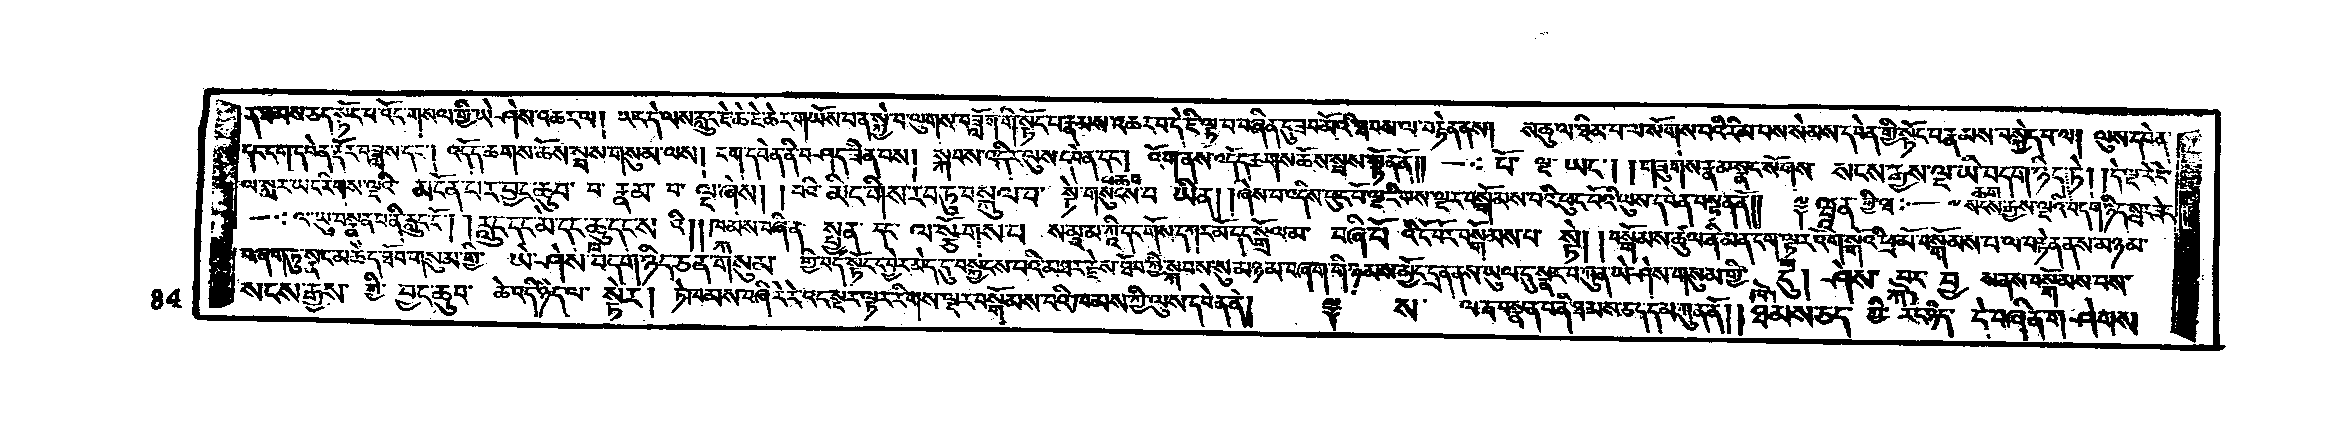ན་ཐམས་ཅད་སྟོང་པ་འོད་གསལ་གྱི་ཡེ་ཤེས་འཆར་ལ། ཡང་དེ་ལས་རླུང་ཇེ་ཆེ་ཇེ་ཆེར་གཡོས་བ་ན་སྐྱེ་བ་ལུགས་བཟློག་གི་སྟོང་པ་རྣམས་འཆར་བ་དེ་ཇི་ལྟ་བ་བཞིན་དུ་ཟབ་མོའི་ཐབས་ལ་བརྟེན་ནས། ས་ཆུ་ལ་ཐིམ་པ་ལ་སོགས་པའི་རིམ་པས་སེམས་དབེན་གྱི་སྟོང་པ་རྣམས་བསྐྱེད་པ་ལ། ལུས་དབེན་
དང་ངག་དབེན་རྡོར་བཟླས་དང་། འདོད་ཆགས་ཆོས་སྦས་གསུམ་ལས། ངག་དབེན་ནི་བཤད་ཟིན་པས། སྐབས་འདིར་ལུས་དབེན་དང་། འོག་ནས་འདོད་ཆགས་ཆོས་སྦས་སྟོན་ནོ།། .Hཔོ་ལྔ་ཡང་། ། གཟུགས་རྣམ་སྣང་སོགས་སངས་རྒྱས་ལྔ་ཡི་བདག་ཉིད་ཏེ། །དེ་ལྔ་རེ་རེ་
ལ་སླར་ཡང་རིགས་ལྔའི་མངོན་པར་བྱང་ཆུབ་པ་རྣམ་པ་ལྔ་ཞེས། ། པའི་མིང་གིས་རབ་ཏུ་བསྐུལ་བ་སྟེ་བ་ཚབ་གསུངས་པ་ཡིན། ། ཞེས་པ་འདིས་ཕུང་པོ་ལྔ་རིགས་ལྔར་བསྒོམས་པའི་ཕུང་པོའི་ལུས་དབེན་བསྟན་ནོ།།  ༈ ཝཱན་གྱི་ཝཿ་ཆག་༧སངས་རྒྱས་ལྔའི་བདག་ཉིད་སླར་ཟེར་
.Hལ་ཡུ་བསྣན་པ་ནི་རླུང་ངོ། །རླུང་དང་མེ་དང་ཆུ་དང་སའི། །ཁམས་བཞིན་སྤྱན་དང་ལ་སྩོགས་པས་མཱ་མ་ཀཱི་དང་གོས་དཀར་མོ་དང་སྒྲོལ་མ་བཞི་པོའི་ངོ་བོར་བསྒོམས་པ་སྟེ། །བསྒོམས་ཚུལ་ནི་མན་ངག་ལྟར་འོག་སྒོའི་ཕྲ་མོ་བསྒོམས་པ་ལ་བརྟེན་ནས་མཉམ་
བཞག་ཏུ་སྣང་མཆེད་ཐོབ་གསུམ་གྱི་ཡེ་ཤེས་ཁ་བདག་ཉིད་ཅན་ཀ་གསུམ་གྱི་བདེ་སྟོང་དབྱེར་མེད་དུ་བསྐྱངས་པའི་མཐར་རྗེས་ཐོབ་ཀྱི་སྐབས་སུ་མཉམ་བཞག་གི་ཉམས་མྱོང་དྲན་ནས་ཡུལ་དུ་སྣང་བ་ཀུན་ཡེ་ཤེས་གསུམ་གྱི་དུ། ཤེས་པར་བྱས་ནས་བསྒོམས་པས
སངས་རྒྱས་ཀྱི་བྱང་ཆུབ་ཆེ་འདི་ཉིད་ལ་སྟེར། ཏེ་ཁམས་བཞི་རེ་རེ་འང་སྔར་ལྟར་རིགས་ལྔར་བསྒོམས་པའི་ཁམས་ཀྱི་ལུས་དབེན་ནོ།།  ༈ ས་ལ་རྦ་བསྣན་པ་ནི་ཐམས་ཅད་དམ་ཀུན་ནོ། །ཁ྄་ཐམས་ཅད་ཀྱི་ཀ྄་རང་ཉིད་དེ་བཞིན་གཤེགས་